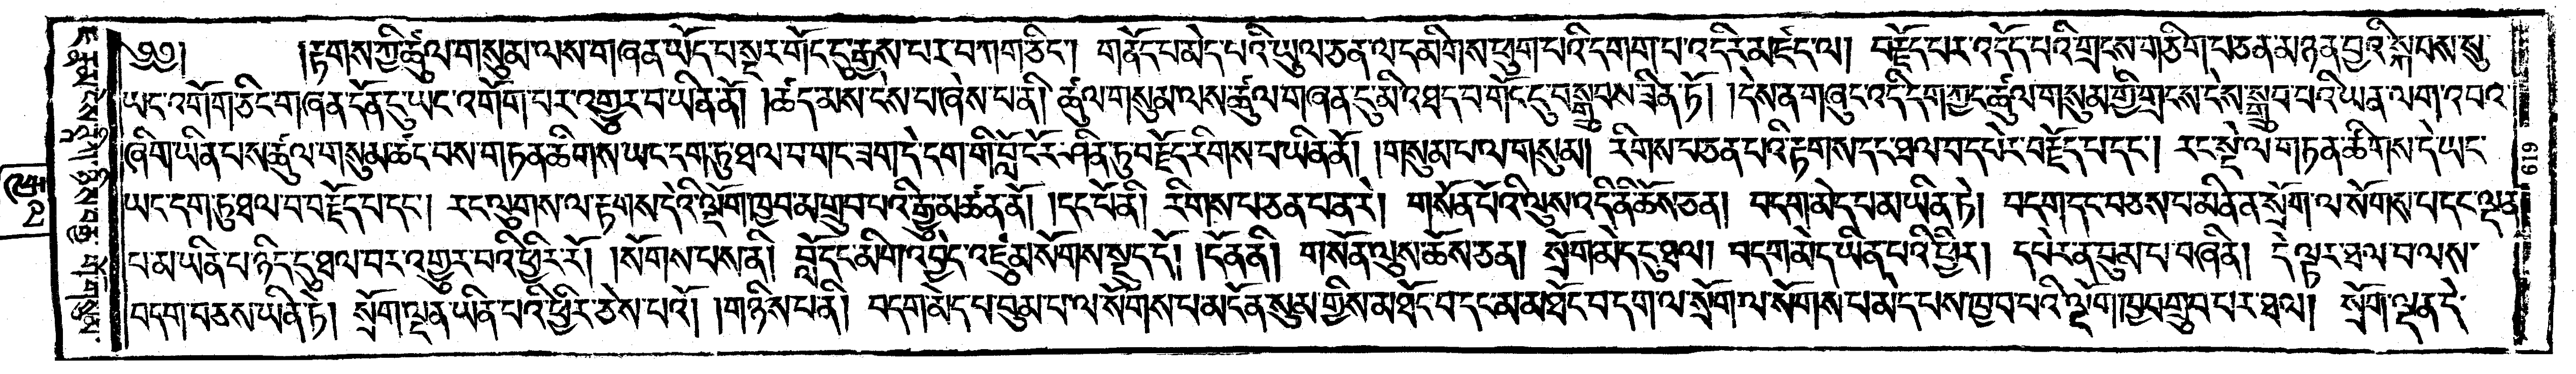༄༅། །རྟགས་ཀྱི་ཚུལ་གསུམ་ལས་གཞན་ཡོད་པ་སྔར་གོང་དུ་རྒྱས་པར་བཀག་ཅིང་། གནོད་པ་མེད་པའི་ཡུལ་ཅན་ལ་དམིགས་ཕུག་པའི་དགག་པ་འདིར་མཛད་ལ། བརྗོད་པར་འདོད་པའི་གྲངས་གཅིག་པ་ཅན་མཉན་བྱའི་སྐབས་སུ་
ཡང་འགོག་ཅིང་གཞན་དོན་དུ་ཡང་འགོག་པར་འགྱུར་བ་ཡིན་ནོ། །ཚད་མས་ངེས་པ་ཞེས་པ་ནི། ཚུལ་གསུམ་ལས་ཚུལ་གཞན་དུ་མི་འཐད་པ་གོང་དུ་བསྒྲུབས་ཟིན་ཏོ། །དེས་ན་གཞུང་འདི་དག་ཀྱང་ཚུལ་གསུམ་གྱི་གྲངས་ངེས་སྒྲུབ་པའི་ཡན་ལག་འབའ་
ཞིག་ཡིན་པས་ཚུལ་གསུམ་ཚང་བས་གཏན་ཚིགས་ཡང་དག་ཏུ་ཐལ་བ་གང་ཟག་དེ་དག་གི་བློ་ངོར་ཤིན་ཏུ་བརྗོད་རིགས་པ་ཡིན་ནོ། །གསུམ་པ་ལ་གསུམ། རིགས་པ་ཅན་པའི་རྟགས་དང་ཐལ་བ་དཔེར་བརྗོད་པ་དང་། རང་སྡེ་ལ་གཏན་ཚིགས་དེ་ཡང་
ཡང་དག་ཏུ་ཐལ་བ་བརྗོད་པ་དང་། རང་ལུགས་ལ་རྟགས་དེའི་ལྡོག་ཁྱབ་མ་གྲུབ་པའི་རྒྱུ་མཚན་ནོ། །དང་པོ་ནི། རིགས་པ་ཅན་པ་ན་རེ། གསོན་པོའི་ལུས་འདི་ནི་ཆོས་ཅན། བདག་མེད་པ་མ་ཡིན་ཏེ། བདག་དང་བཅས་པ་མིན་ན་སྲོག་ལ་སོགས་པ་དང་ལྡན་
པ་མ་ཡིན་པ་ཉིད་དུ་ཐལ་བར་འགྱུར་བའི་ཕྱིར་རོ། །སོགས་པས་ནི། བློ་དང་མིག་འབྱེད་འཛུམ་སོགས་སྡུད་དོ། །དོན་ནི། གསོན་ལུས་ཆོས་ཅན། སྲོག་མེད་དུ་ཐལ། བདག་མེད་ཡིན་པའི་ཕྱིར། དཔེར་ན་བུམ་པ་བཞིན། དེ་ལྟར་ཐལ་བ་ལས་
བདག་བཅས་ཡིན་ཏེ། སྲོག་ལྡན་ཡིན་པའི་ཕྱིར་ཅེས་པའོ། །གཉིས་པ་ནི། བདག་མེད་པ་བུམ་པ་ལ་སོགས་པ་མངོན་སུམ་གྱིས་མཐོང་བ་དང་མ་མཐོང་བ་དག་ལ་སྲོག་ལ་སོགས་པ་མེད་པས་ཁྱབ་པའི་ལྡོག་ཁྱབ་གྲུབ་པར་ཐལ། སྲོག་ལྡན་དེ་